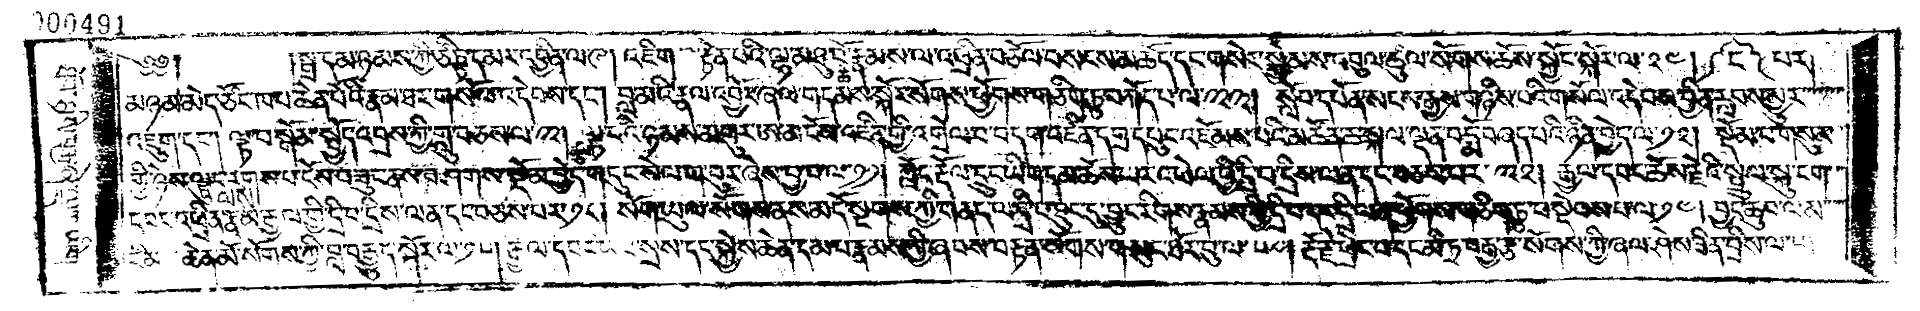༄༅། །སྒྲ་དམ་ཉམས་ཀྱི་ཙིཏྟ་དམར་འབྱིན་ལ ༩། འཇིག་རྟེན་པའི་ལྷ་མཐུ་བོ་ཆེ་རྣམས་ལ་འཕྲིན་བཅོལ་བསངས་མཆོད་དང་གསེར་སྐྱེམས་འབུལ་ཚུལ་སོགས་ཆོས་སྐྱོང་སྐོར་ལ ༢༤། ༼ང༽ པར།
མཉམ་མེད་ཙོང་ཁ་པ་ཆེན་པོའི་རྣམ་ཐར་གསོལ་འདེབས་དང་། བླ་མའི་རྣལ་འབྱོར་ཞལ་གདམས་སྐོར་སོགས་ཕྱོགས་གཅིག་ཏུ་བཀོད་པ་ལ༣༣། སློབ་དཔོན་སངས་རྒྱས་གཉིས་པའི་གསོལ་འདེབས་བྱིན་རླབས་མྱུར་
འཇུག་དང་། ལྟ་བསྒོམ་སྤྱོད་འབྲས་ཀྱི་གླུ་བཅས་ལ ༣། ཚུལ་ལྟ་བའི་ཉམས་མགུར་ཨ་མ་ངོས་འཛིན་གྱི་འགྲེལ་བ་བདག་འཛིན་དགྲ་དཔུང་འཇོམས་པའི་མཚོན་ཆ་སྐལ་ལྡན་པདམོ་བཞད་པའི་ཉིན་བྱེད་ལ༡༢། སྡོམ་པ་གསུམ་
གྱི་ཉེས་ལྟུང་ལས་རགས་པ་ངོས་བཟུང་ནས་བཤེགས་སྡོམ་བྱེད་གདུང་སེལ་ག་བུར་ཞེས་བྱ་བ་ལ༡༡། ཀློང་རྡོལ་དྲུང་ཡིག་དམ་ཆོས་ཡར་འཕེལ་གྱི་དྲི་བ་དྲིས་ལན་དང་བཅས་པར ༣༢། རྒྱལ་དབང་ཆོས་རྗེའི་སྤྲུལ་སྐུ་ངག་
དབང་འཕྲིན་ལས་རྣམ་རྒྱལ་གྱི་དྲི་བ་དྲིས་ལན་དང་བཅས་པར ༡༨། སོག་ཡུལ་སོགས་ནས་མདོ་སྔགས་ཀྱི་གནད་ལ་དྲི་བ་ཐུང་དུ་བྱུང་རིགས་རྣམས་ཀྱི་དྲི་བ་དང་དྲི་ལན་ཕྱོགས་གཅིག་ཏུ་བསྡེབས་པ་ལ༡༤། བྱང་ཆུབ་ལམ་
རིམ་ཆེན་མོ་སོགས་ཀྱི་བླ་བརྒྱུད་སྐོར་ལ ༡༥། རྒྱལ་དབང་ཡབ་སྲས་དང་སྐྱེས་ཆེན་དམ་པ་རྣམས་ཀྱི་ཞབས་བརྟན་སོགས་གསུང་ཐོར་བུ་ལ ༥༧། རྡོ་རྗེ་ཕྲེང་བ་དང་མི་ཏྲ་བརྒྱ་རྩ་སོགས་ཀྱི་ཞལ་ཤེས་ཟིན་བྲིས་ལ༥།